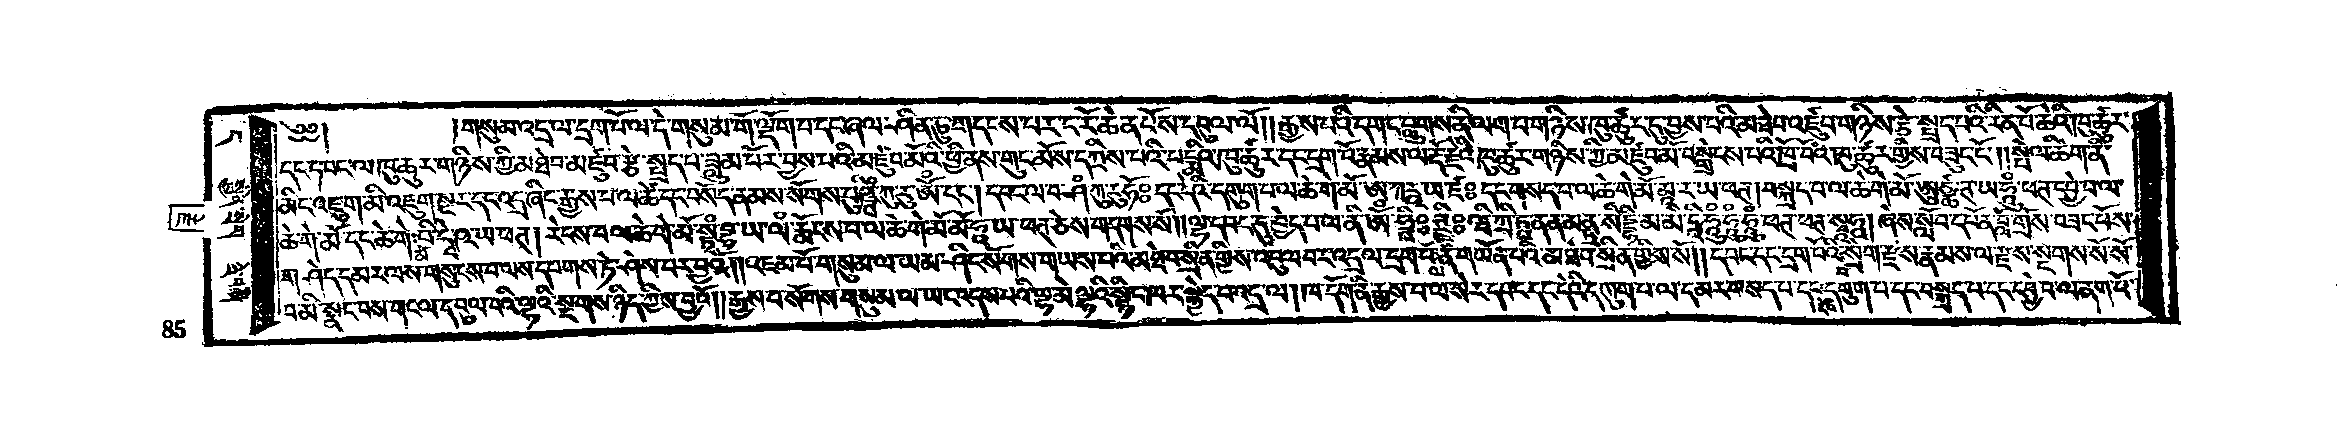༄༅། །གསུམ་འདྲ་ལ་དྲག་པོ་ལ་དེ་གསུམ་གོ་ལྡོག་པ་དང་ཞལ་ཤིན་ཏུ་གདངས་པར་ང་རོ་ཆེན་པོས་དབུལ་ལོ། །རྒྱས་པའི་དགད་བླུགས་ནི་ལག་པ་གཉིས་ཁུ་ཚུར་དུ་བྱས་པའི་མཐེབ་འཛུབ་གཉིས་རྩེ་སྤྲད་པའི་རིན་པོ་ཆེའི་ཁུ་ཚུར་
དང་དབང་ལ་ཁུ་ཚུར་གཉིས་ཀྱི་མཐེབ་མཛུབ་རྩེ་སྤྲད་པ་ཟླུམ་པོར་བྱས་པའི་མཛུབ་མོའི་ཕྱི་ནས་གུང་མོས་དཀྲིས་པའི་པདམའི་ཁུ་ཚུར་དང་དྲག་པོ་རྣམས་ལ་རྡོ་རྗེའི་ཁུ་ཚུར་གཉིས་ཀྱི་མཛུབ་མོ་བསྒྲེངས་པའི་ཁྲོ་བོའི་ཁུ་ཚུར་གྱིས་བཟུང་ངོ། །སྤེལ་ཚིག་ནི་
མིང་འཇུག་མི་འཇུག་སྔར་དང་འདྲ་ཞིང་རྒྱས་པ་ལ་ཚེ་དང་བསོད་ནམས་སོགས་པུཥྚིཾ་ཀུ་རུ་ཨོཾ་དང་། དབང་ལ་བ་ཤཾ་ཀུ་རུ་ཧོཿ དང་དེའི་དགུག་པ་ལ་ཆེ་གེ་མོ་ཨ་ཀརྵ་ཡ་ཛཿ དང་གསད་པ་ལ་ཆེ་གེ་མོ་མཱ་ར་ཡ་ཕཊ། བསྐྲད་པ་ལ་ཆེ་གེ་མོ་ཨུཙྪ་ཊ་ཡ་ཧཱུཾ་ཕཊ་དབྱེ་བ་ལ་
ཆེ་གེ་མོ་དང་ཆེ་གེ་མོ་བི་དྭེ་ཥ་ཡ་ཕཊ། རེངས་པ་ལ་ཆེ་གེ་མོ་སྟྭཾ་བྷ་ཡ་ལཾ་རྨོངས་པ་ལ་ཆེ་གེ་མོ་མོ་ཧཱ་ཡ་ཕཊ་ཅེས་གདགས་སོ། །ལྷ་དབང་དུ་བྱེད་པ་ལ་ནི་ཨོཾ་ཧྲཱིཿ ཊྲིཿ ཝི་ཀྲི་ཏཱ་ན་ན་མནྟྲ་སིདྡྷི་མ་མེ་དཱི་ཧཱུཾ་ཧཱུཾ་ཧཱུཾ་ཕཊ་ཕཊ་སྭཱ་ཧཱ། ཞེས་སློབ་དཔོན་བློ་གྲོས་བཟང་པོས་
གཤེད་དམར་ལས་གསུངས་པ་ལས་དཔགས་ཏེ་ཤེས་པར་བྱའོ། །འཇམ་པོ་གསུམ་ལ་ཡམ་ཤིང་སོགས་གཡས་པའི་མཐེབ་སྲིན་གྱིས་འབུལ་བར་འདྲ་ལ་དྲག་པོ་ལ་ནི་གཡོན་པའི་མཐེབ་སྲིན་གྱིས་སོ། །དབང་དང་དྲག་པོའི་བསྲེག་རྫས་རྣམས་ལ་རྫས་སྔགས་སོ་སོ་
བ་མི་སྣང་བས་གང་ལ་དབུལ་བའི་ལྷའི་སྔགས་ཉིད་ཀྱིས་བྱའོ། །རྒྱས་པ་སོགས་གསུམ་ལ་ཡང་འདས་པའི་ལྷ་མེ་ལྷའི་སྙིང་ཁར་སྐྱེད་བ་འདྲ་ལ། ཁ་དོག་ནི་རྒྱས་པ་ལ་སེར་དབང་དང་དེའི་དགུག་པ་ལ་དམར་གསད་པ་དང་ངོ་དགུག་པ་དང་བསྒྲད་པ་དང་དབྱེ་བ་ལ་ནག་པོ་